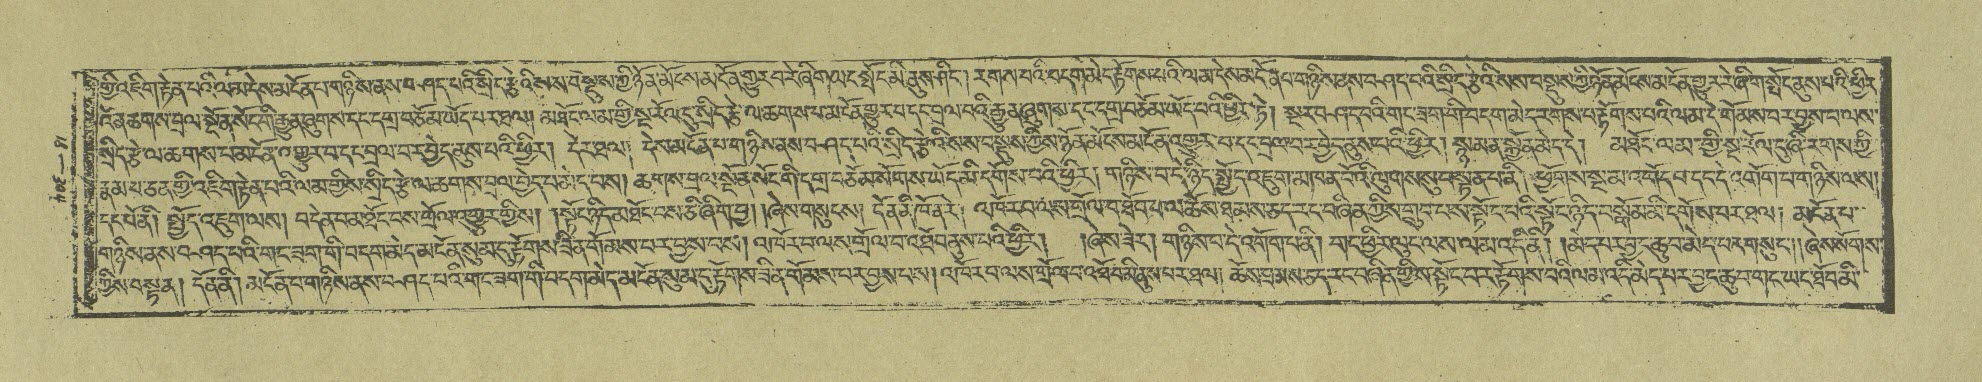གྱི་འཇིག་རྟེན་པའི་ལམ་དེས་མངོན་པ་གཉིས་ནས་བཤད་པའི་སྲིད་རྩེའི་སས་བསྡུས་ཀྱི་ཉོན་མོངས་མངོན་གྱུར་བ་རེ་ཞིག་ཡང་སྤོང་མི་ནུས་ཤིང་། རགས་པའི་བདག་མེད་རྟོགས་པའི་ལམ་དེས་མངོན་པ་གཉིས་ནས་བཤད་པའི་སྲིད་རྩེའི་སས་བསྡུས་ཀྱི་ཉོན་མོངས་མངོན་གྱུར་རེ་ཞིག་སྤོང་ནུས་པའི་ཕྱིར་
འོ་ན་ཆགས་བྲལ་སྔོན་སོང་གི་རྒྱུན་ཞུགས་དང་དགྲ་བཅོམ་ཡོད་པར་ཐལ། མཐོང་ལམ་གྱི་སྔ་རོལ་དུ་སྲིད་རྩེ་ལ་ཆགས་པ་མངོན་གྱུར་བ་དང་བྲལ་བའི་རྒྱུན་ཞུགས་དང་དགྲ་བཅོམ་ཡོད་པའི་ཕྱིར་ཏེ། སྔར་བཤད་པའི་གང་ཟག་གི་བདག་མེད་རགས་པ་རྟོགས་པའི་ལམ་དེ་གོམས་པར་བྱས་པ་ལས་
སྲིད་རྩེ་ལ་ཆགས་པ་མངོན་འགྱུར་བ་དང་བྲལ་བར་བྱེད་ནུས་པའི་ཕྱིར། དེར་ཐལ། དེས་མངོན་པ་གཉིས་ནས་བཤད་པའི་སྲིད་རྩེའི་སས་བསྡུས་ཀྱིས་ཉོན་མོངས་མངོན་འགྱུར་བ་དང་བྲལ་བར་བྱེད་ནུས་པའི་ཕྱིར། སྙམ་ན་སྐྱོན་མེད་དེ། མཐོང་ལམ་གྱི་སྔ་རོལ་དུ་ཞི་རགས་ཀྱི་
རྣམ་པ་ཅན་གྱི་འཇིག་རྟེན་པའི་ལམ་གྱིས་སྲིད་རྩེ་ལ་ཆགས་བྲལ་བྱེད་པ་མེད་པས། ཆགས་བྲལ་སྔོན་སོང་གི་དགྲ་བཅོམ་སོགས་ཡོད་མི་དགོས་པའི་ཕྱིར། གཉིས་པ་དེ་ཉིད་སྤྱོད་འཇུག་མཁན་པོའི་ལུགས་སུ་བསྟན་པ་ནི། ཕྱོགས་སྔ་མ་འགོད་པ་དང་དེ་འགོག་པ་གཉིས་ལས།
དང་པོ་ནི། སྤྱོད་འཇུག་ལས། བདེན་པ་མཐོང་བས་གྲོལ་འགྱུར་གྱིས། །སྟོང་ཉིད་མཐོང་བས་ཅི་ཞིག་བྱ། །ཞེས་གསུངས། དོན་ནི་ཁོ་ན་རེ། འཁོར་བ་ལས་གྲོལ་བ་ཐོབ་པ་ལ་ཆོས་ཐམས་ཅད་རང་བཞིན་ཀྱིས་གྲུབ་པས་སྟོང་པའི་སྟོང་ཉིད་བསྒོམ་མི་དགོས་པར་ཐལ། མངོན་པ་
གཉིས་ནས་བཤད་པའི་གང་ཟག་གི་བདག་མེད་མངོན་སུམ་དུ་རྟོགས་ཟིན་གོམས་པར་བྱས་པས། འཁོར་བ་ལས་གྲོལ་བ་འཐོབ་ནུས་པའི་ཕྱིར། །ཞེས་ཟེར། གཉིས་པ་དེ་འགོག་པ་ནི། གང་ཕྱིར་ལུང་ལས་ལམ་འདི་ནི། །མེད་པར་བྱང་ཆུབ་མེད་པར་གསུང་། །ཞེས་སོགས་
ཀྱིས་བསྟན། དོན་ནི། མངོན་པ་གཉིས་ནས་བཤད་པའི་གང་ཟག་གི་བདག་མེད་མངོན་སུམ་དུ་རྟོགས་ཟིན་གོམས་པར་བྱས་པས། འཁོར་བ་ལས་གྲོལ་བ་འཐོབ་མི་ནུས་པར་ཐལ། ཆོས་ཐམས་ཅད་རང་བཞིན་གྱིས་སྟོང་བར་རྟོགས་པའི་ལམ་འདི་མེད་པར་བྱང་ཆུབ་གང་ཡང་ཐོབ་མི་